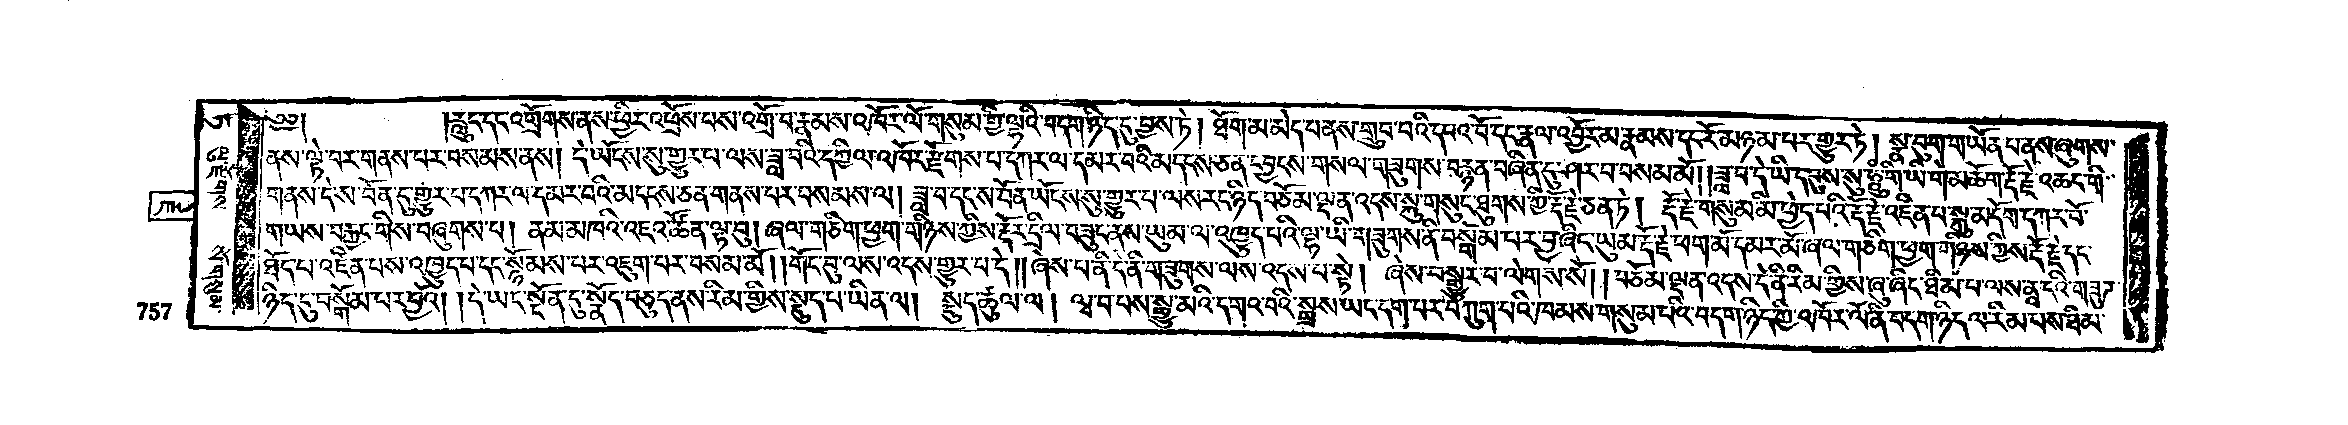༄༅། །རླུང་དང་འགྲོགས་ནས་ཕྱིར་འཕྲོས་པས་འགྲོ་བ་རྣམས་འཁོར་ལོ་གསུམ་གྱི་ལྷའི་བདག་ཉིད་དུ་བྱས་ཏེ། ཐོག་མ་མེད་པ་ནས་གྲུབ་པའི་དཔའ་བོ་དང་རྣལ་འབྱོར་མ་རྣམས་དང་རོ་མཉམ་པར་གྱུར་ཏེ། སྣ་བུག་གཡོན་པ་ནས་ཞུགས་
ནས་ལྟེ་བར་གནས་པར་བསམས་ནས། དེ་ཡོངས་སུ་གྱུར་པ་ལས་ཟླ་བའི་དཀྱིལ་འཁོར་རྫོགས་པ་དཀར་ལ་དམར་བའི་མདངས་ཅན་དབྱངས་གསལ་གཟུགས་བརྙན་བཞིན་དུ་ཤར་བ་བསམ་མོ། །ཟླ་བ་དེ་ཡི་དབུས་སུ་ཧཱུཾ་གི་ཡི་གེ་མཆོག་རྡོ་རྗེ་འཆང་གི་
གནས་དེ་ས་བོན་དུ་གྱུར་པ་དཀར་ལ་དམར་བའི་མདངས་ཅན་གནས་པར་བསམས་ལ། ཟླ་བ་དང་ས་བོན་ཡོངས་སུ་གྱུར་པ་ལས་རང་ཉིད་བཅོམ་ལྡན་འདས་སྐུ་གསུང་ཐུགས་ཀྱི་རྡོ་རྗེ་ཅན་ཏེ། རྡོ་རྗེ་གསུམ་མི་ཕྱེད་པའི་རྡོ་རྗེ་འཛིན་པ་སྐུ་མདོག་དཀར་པོ་
གཡས་བརྐྱང་གིས་བཞུགས་པ། ནམ་མཁའི་འཇའ་ཚོན་ལྟ་བུ། ཞལ་གཅིག་ཕྱག་གཉིས་ཀྱིས་རྡོར་དྲིལ་བཟུང་ནས་ཡུམ་ལ་འཁྱུད་པའི་ལྷ་ཡི་གཟུགས་ནི་བསྒོམ་པར་བྱ་ཞིང་ཡུམ་རྡོ་རྗེ་ཕག་མོ་དམར་མོ་ཞལ་གཅིག་ཕྱག་གཉིས་ཀྱིས་རྡོ་རྗེ་དང་།
ཐོད་པ་འཛིན་པས་འཁྱུད་པ་དང་སྙོམས་པར་འཇུག་པར་བསམ་མོ། །གོང་བུ་ལས་འདས་གྱུར་པ་དེ། །ཞེས་པ་ནི་དེ་ནི་གཟུགས་ལས་འདས་པ་སྟེ། ཞེས་བསྒྱུར་བ་ལེགས་སོ། །བཅོམ་ལྡན་འདས་དེ་ནི་རིམ་གྱིས་ཞུ་ཞིང་ཐིམ་པ་ལས་ནཱ་དའི་གཟུགས་
ཉིད་དུ་བསྒོམ་པར་བྱའོ། །དེ་ཡང་སྔོན་དུ་སྣོད་བཅུད་ནས་རིམ་གྱིས་སྡུད་པ་ཡིན་ལ། སྡུད་ཚུལ་ལ། ལྭ་བ་པས་སྒྱུ་མའི་དགའ་བའི་སྒྲས་ཡང་དག་པར་བཀུག་པའི་ཁམས་གསུམ་པའི་བདག་ཉིད་ཀྱི་འཁོར་ལོ་ནི་བདག་ཉིད་ལ་རིམ་པས་ཐིམ་